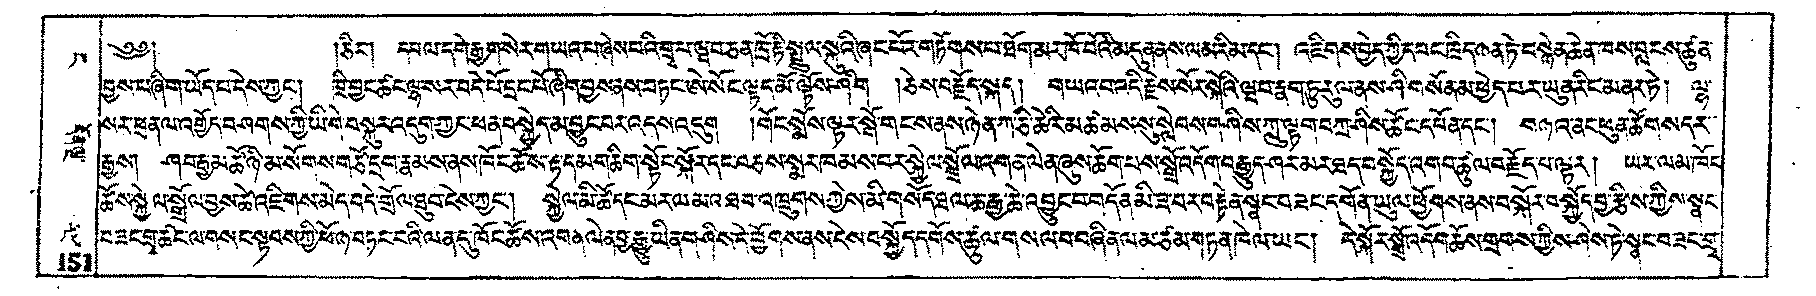༄༅། །ཅིང་། དཔལ་དགེ་རྒྱག་སེར་གཡའ་པ་ཞེས་པའི་གྲྭ་པ་ལྦ་བ་ཅན་ཁྲོ་རྟི་སྤྲུལ་སྐུའི་ཞང་པོར་གཏོགས་པ་ཐོག་མར་ཁོ་བོའི་མདུན་ནས་ལམ་རིམ་དང་། འཇིགས་བྱེད་ཀྱི་དབང་ཁྲིད་ཉན་ཏེ་བསྙེན་ཆེན་ཁས་བླངས་ཚུན་
བྱས་པ་ཞིག་ཡོད་པ་དེས་ཀྱང་། ཁྲི་བྱང་ཚང་ལྷ་སར་བདེ་པོ་དྲང་པོ་ཞིག་བྱས་ནས་བཏང་ཨེ་སོང་ལྟད་མོ་ལྟོས་ཤིག །ཅེས་བརྗོད་སྐད། གཡའ་པ་འདི་རྗེས་སོར་སྐེའི་ལྦ་བ་རྣག་ཏུ་རུལ་ནས་ཤི་གསོན་མ་ཕྱེད་པར་ཡུན་རིང་མནར་ཏེ། ལྷ་
སར་ཕྲན་ལ་འགྱོད་བཤགས་ཀྱི་ཡི་གེ་བསྐུར་འདུག་ཀྱང་ཕན་བསྐྱེད་མ་བྱུང་བར་འདས་འདུག །གོང་སྨོས་ལྟར་སྒོ་གངས་ནས་ཉེན་ཀ་ཅི་ཆེའི་མཚམས་སུ་སླེབས་གཤིས་ཀླུ་ལྟག་བཀྲ་ཤིས་ཚོང་དོན་དང་། གཉའ་ནང་ཕུན་ཚོགས་དར་
རྒྱས། ཤབ་རྒྱ་མཚོ་ཉི་མ་སོགས་གཙོ་དྲག་རྣམས་ནས་ཁོང་ཚོས་རྟ་དམག་ཆིག་སྟོང་སྐོར་དང་བཅས་སྨར་ཁམས་བར་སྐྱེལ་སྒྲོལ་འགན་ལེན་ཞུས་ཆོག་པས་སྒྲོ་འདོག་བརྒྱུད་ཤར་མར་ཐད་བསྐྱོད་འགབ་ཚུལ་བརྗོད་པ་ལྟར། ཡར་ལམ་ཁོང་
ཚོས་སྐྱེ་ལ་སྒྲོལ་བྱས་ཚེ་འཇིགས་མེད་བདེ་གྲོལ་ཐུབ་ངེས་ཀྱང་། སྐྱེལ་མི་ཚོ་དང་མར་ལམ་འཐབ་འཁྲུགས་ཀྱིས་མི་གསོད་ཐལ་ཆ་རྒྱ་ཆེ་འབྱུང་བ་གདོན་མི་ཟ་བར་བརྟེན་སྣང་བཟང་དགོན་ཡུལ་ཕྱོགས་ནས་བསྐོར་བསྐྱོད་བྱ་རྩིས་ཀྱིས་སྣང་
བཟང་གྲྭ་ཚང་ལ་གསང་སྟབས་ཀྱི་ཕོ་ཉ་བཏང་བའི་ལན་དུ་ཁོང་ཚོས་འགན་ལེན་བྱ་རྒྱུ་ཡིན་གཤིས་དེ་ཕྱོགས་ནས་ངེས་བསྐྱོད་དགོས་ཚུལ་གསལ་བ་བཞིན་ལམ་ཙམ་གཏན་ཁེལ་ཡང་། དེ་སྐོར་སྒྲོ་འདོག་ཆོས་གྲགས་ཀྱིས་ཤེས་ཏེ་སྣང་བཟང་གྲྭ་